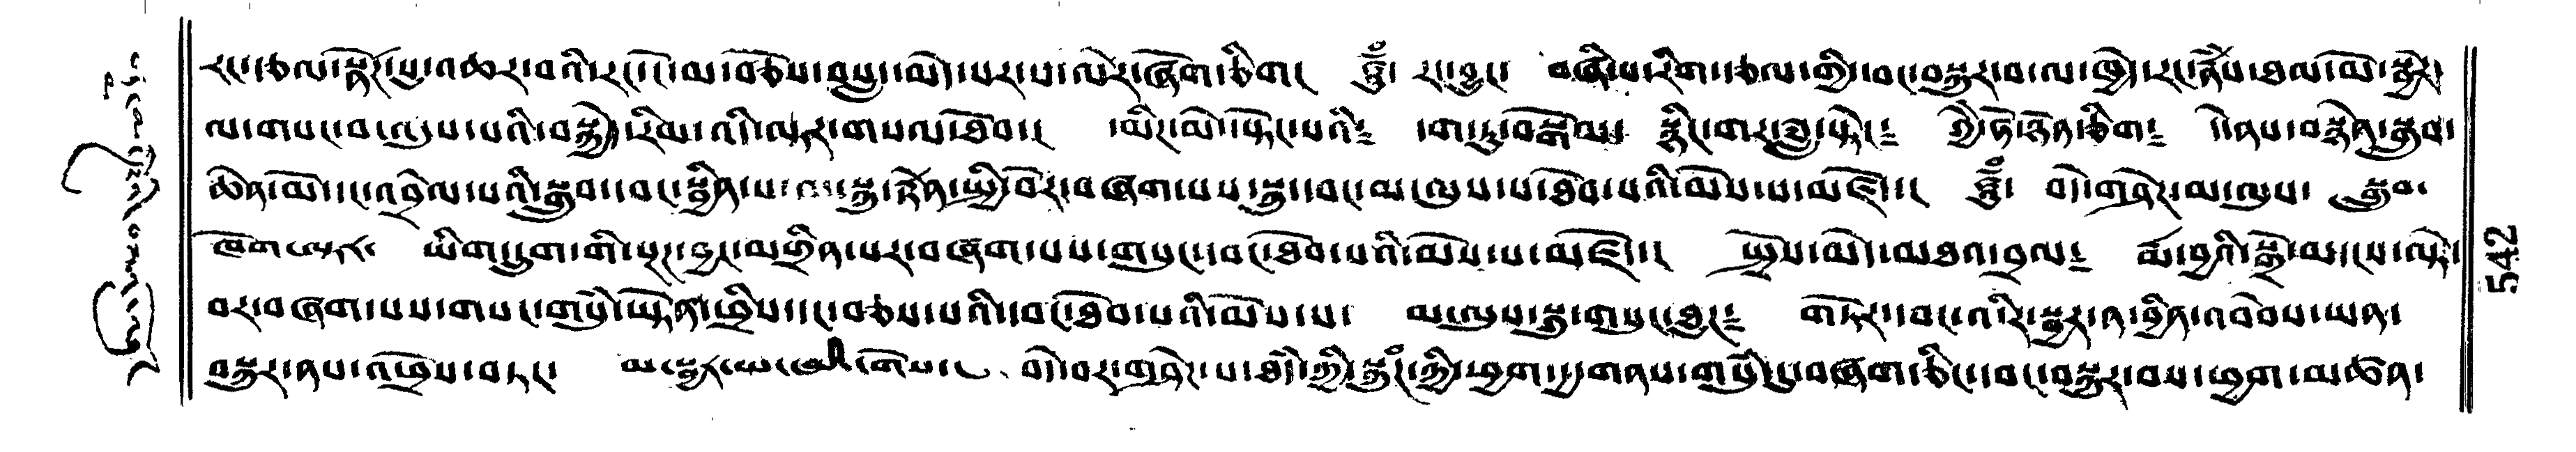རང་རྩལ་སྣ་ཚོགས་སུ་འཆར་བའི་རང་ངོ་མ་བཅོས་བསླད་མེད་པར་ས་ལེར་ཞོག་ཅིག ཧཱུྃ། རང་བྱུང༴ བཞི་པ་རིག་རྩལ་གྱི་དབང་སྐུར་བ་ལ་ཁྱེད་རང་རྣམས་ཐལ་མོ་སྦྱོར་
ལ་གསང་བ་འདུས་པའི་སྐྱེད་རིམ་འདི་ལྟར་གསལ་ཐོབས། དམིགས་མེད་སྟོང་པའི༴ དག་ཏུ་སྒོམ༴ སྙིང་གར་ཟླ་སྟེང༴ ཀྱཻ་ཧོ་ཉོན་ཅིག༴ དེ་ནས་སྙེན་སྒྲུབ་
ཆེན་མོ་དང་འབྲེལ་བའི་སྒྲུབ་དབང་སྦྱིན་པ་ལ་སྐུ་རྟེན་སྤྱི་བོར་བཞག་པས་སྐུ་དབང་མ་ལུས་པ་ཐོབ་པའི་མོས་པ་མཛོད། ཧཱུྃ། བདེ་ཤེགས་མ་ལུས༴ སྒྲུབ་
ཁོག་ལྟར། ཡིག་དྲུག་གི་སྔགས་བྱང་མགྲིན་པར་བཞག་པས་གསུང་དབང་ཐོབ་པའི་མོས་པ་མཛོད། སྤྲོས་མེད་མཐའ་བྲལ་རྨ་བྱའི་སྒྲོ་མདོངས་ལྟེ་
བར་བཞག་པས་གསང་གསུམ་ཡོན་ཏན་ཕྲིན་ལས་དང་བཅས་པའི་དབང་ཐོབ་པའི་མོས་པ་མཛོད། མ་ལུས་སྐུ་གསུང་ཐུགས༴ གཏེར་དབང་འདིར་སྦྱར་ན་བྱིན་འབེབས་ཡན་
བསྐུར་ནས་འཕྲོས་གཏང་། མ་སྦྱར་ན་ཡང་མི་དགོས། བདེ་བར་གཤེགས་པ་ཐམས་ཅད་ཀྱི་སྐུ་གསུང་ཐུགས་ཀྱི་ཕྱག་རྒྱ་གནས་གསུམ་དུ་བཞག་ཅིང་དབང་བསྐུར་བས་ཕྱག་མཚན་